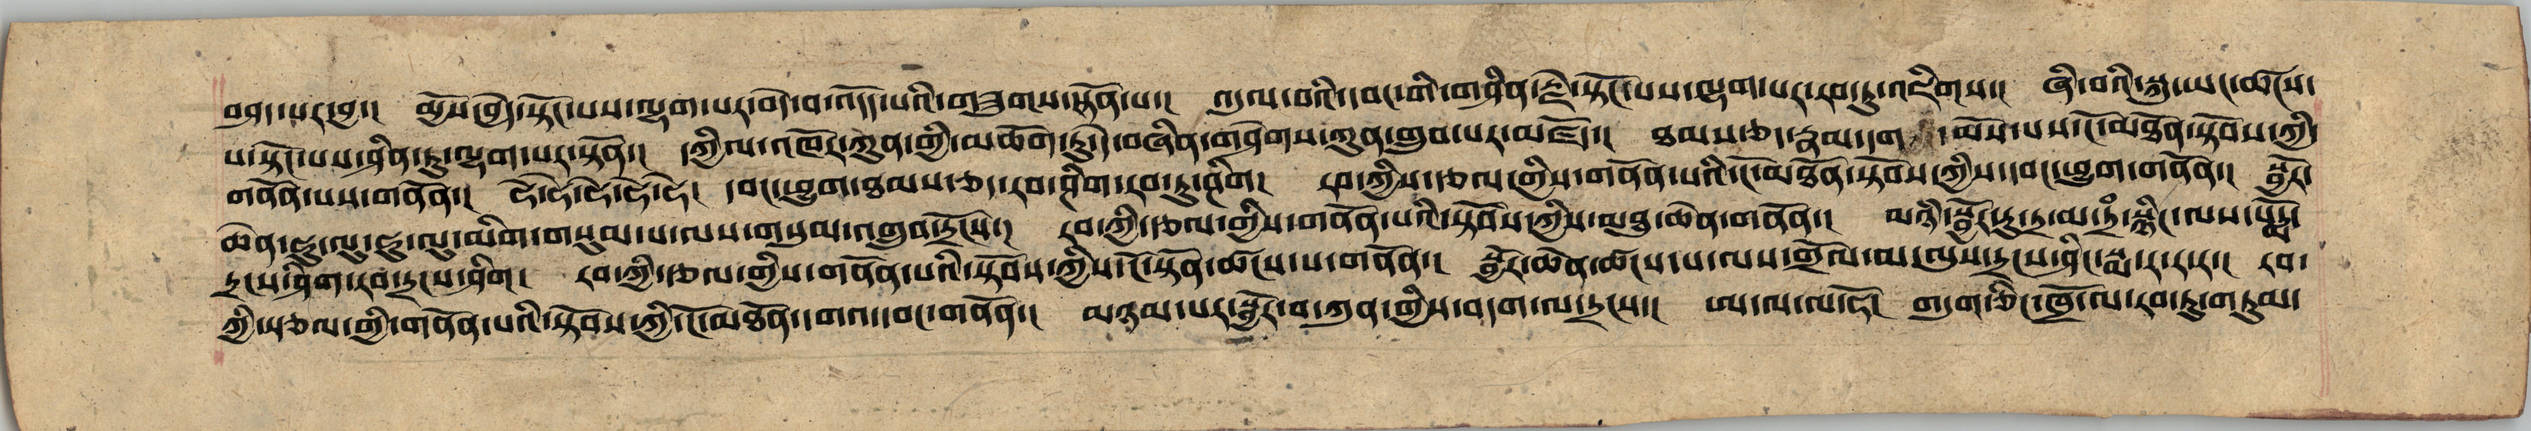བཤད་པར་བྱ་། མྱོས་བྱེད་སྟོང་པས་ལྷག་པར་བདེ་བ་འདོད་པའི་གཟུགས་སྟོན་པ་། འདུལ་བའི་དབང་གི་གཤིན་རྗེ་སྟོང་པས་ལྷག་པར་རབ་ཏུ་འཇིགས་། ཞི་བའི་སྐུ་ཡང་ཚངས་
པ་སྟོང་པས་ཤིན་ཏུ་ལྷག་པར་སྟོན་། དཀྱིལ་འཁོར་ཀུན་གྱི་མཆོག་ཏུ་དེ་བཞིན་གཤེགས་ཀུན་གྲུབ་པར་མཛོད་། ཐམས་ཅད་རྣམ་དག ་མོས་པས་ངོ་མཐོན་སྟོབས་ཀྱི་
གནོན་པས་གནོན་། ཧེ་ཧེ་ཧེ་ཧེ་ཧེ། དབང་ཕྱུག་ཐམས་ཅད་རབ་ཤིག་རབ་ཏུ་ཤིག། རབ་ཀྱིས་རྩལ་གྱིས་གནོན་པའི་ངོ་མཐོན་སྟོབས་ཀྱིས་དབང་ཕྱུག་གནོན་། སྦྱོར་
ཆེན་ཧུ་ལུ་ཧུ་ལུ་མིག་གསུམ་པ་ལས་གསུམ་འགྲུབ་དྲོངས་། རབ་ཀྱི་རྩལ་གྱིས་གནོན་པའི་སྟོབས་ཀྱིས་མཐུ་ཆེན་གནོན་། མཉཾ་སྦྱོར་རུ་ཏྲ་མ་ཏྲཾ་སྙིང་ལས་པདྨོ་
དྲངས་ཤིག་རབ་དྲངས་ཤིག། རབ་ཀྱི་རྩལ་གྱིས་གནོན་པའི་སྟོབས་ཀྱིས་ངོ་སྟོན་ཚངས་པ་གནོན་། སྦྱོར་ཆེན་ཚངས་པ་ལས་གྲོལ་མ་ལུས་དྲངས་ཤིང་སྨ་ར་ར་ར་། རབ་
ཀྱི་སྩལ་གྱི་གནོན་པའི་སྟོབས་ཀྱི་ངོ་མཐོན་དགའ་དབང་གནོན་། མཉམ་པར་སྦྱོར་བ་ཀུན་གྱིས་བདག་ལ་དྲངས་། ཨ་ལ་ལ་ཧོ། གདུག་ཅིང་ཁྲོ་ལ་རབ་ཏུ་གཏུམ་